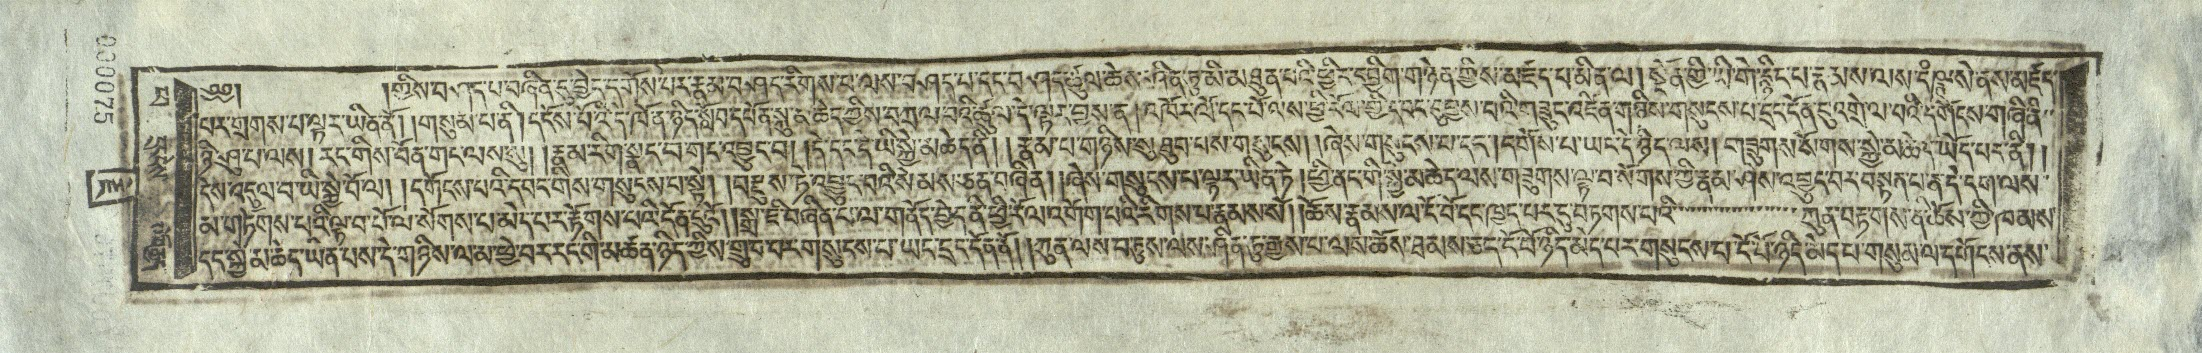༄༅། །གྱིས་བཤད་པ་བཞིན་དུ་བྱེད་དགོས་པར་རྣམ་བཤད་རིགས་པ་ལས་བཤད་པ་དང་བཤད་ཚུལ་ཆེས་ཤིན་ཏུ་མི་མཐུན་པའི་ཕྱིར་དབྱིག་གཉེན་གྱིས་མཛད་པ་མིན་ལ། སྔོན་གྱི་ཡི་གེ་རྙིང་པ་རྣམས་ལས་དཾཥྚ་སེ་ནས་མཛད་
པར་གྲགས་པ་ལྟར་ཡིན་ནོ། །གསུམ་པ་ནི། དངོས་པོའི་དེ་ཁོ་ན་ཉིད་སློབ་དཔོན་སྐུ་མཆེད་ཀྱིས་བཀྲལ་བའི་ཚུལ་དེ་ལྟར་བྱས་ན། འཁོར་ལོ་དང་པོ་ལས་ཕྱི་རོལ་གྱི་དབང་དུ་བྱས་པའི་གཟུང་འཛིན་གཉིས་གསུངས་པ་དྲང་དོན་དུ་འགྲེལ་བའི་དགོངས་གཞི་ནི་
ཉི་ཤུ་པ་ལས། རང་གིས་བན་གང་ལས་སུ། །རྣམ་རིག་སྣང་བ་གང་འབྱུང་བ། །དེ་དང་དེ་ཡི་སྐྱེ་མཆེད་ནི། །རྣམ་པ་གཉིས་སུ་ཐུབ་པས་གསུངས། །ཞེས་གསུངས་པ་དང་། དགོས་པ་ཡང་དེ་ཉིད་ལས། གཟུགས་སོགས་སྐྱེ་མཆེད་ཡོད་པར་ནི། །
དེས་འདུལ་བ་ཡི་སྐྱེ་བོ་ལ། །དགོངས་པའི་དབང་གིས་གསུངས་པ་སྟེ། །བརྫུས་ཏེ་འབྱུང་བའི་སེམས་ཅན་བཞིན། །ཞེས་གསུངས་པ་ལྟར་ཡིན་ཏེ། ཕྱི་ནང་གི་སྐྱེ་མཆེད་ལས་གཟུགས་ལྟ་བ་སོགས་ཀྱི་རྣམ་ཤེས་འབྱུང་པར་བསྟན་པ་ན་དེ་དག་ལས་
མ་གཏོགས་པའི་ལྟ་བ་ཕོ་ལ་སོགས་པ་མེད་པར་རྟོགས་པའི་དོན་དུའོ། །སྒྲ་ཇི་བཞིན་པ་ལ་གནོད་བྱེད་ནི་ཕྱི་རོལ་འགོག་པའི་རིགས་པ་རྣམས་སོ། །ཆོས་རྣམས་ལ་ངོ་བོ་དང་ཁྱད་པར་དུ་བཏགས་པའི་ཀུན་བརྟགས་ནི་ཆོས་ཀྱི་ཁམས་
དང་སྐྱེ་མཆེད་ཡིན་པས་དེ་གཉིས་ལམ་ཕྱེ་བར་རང་གི་མཚན་ཉིད་ཀྱིས་གྲུབ་པར་གསུངས་པ་ཡང་དྲང་དོན་ནོ། །ཀུན་ལས་བཏུས་ལས་ཤིན་ཏུ་རྒྱས་པ་ལས་ཆོས་ཐམས་ཅད་ངོ་བོ་ཉིད་མེད་པར་གསུངས་པ་ངོ་བོ་ཉིད་མེད་པ་གསུམ་ལ་དགོངས་ནས་